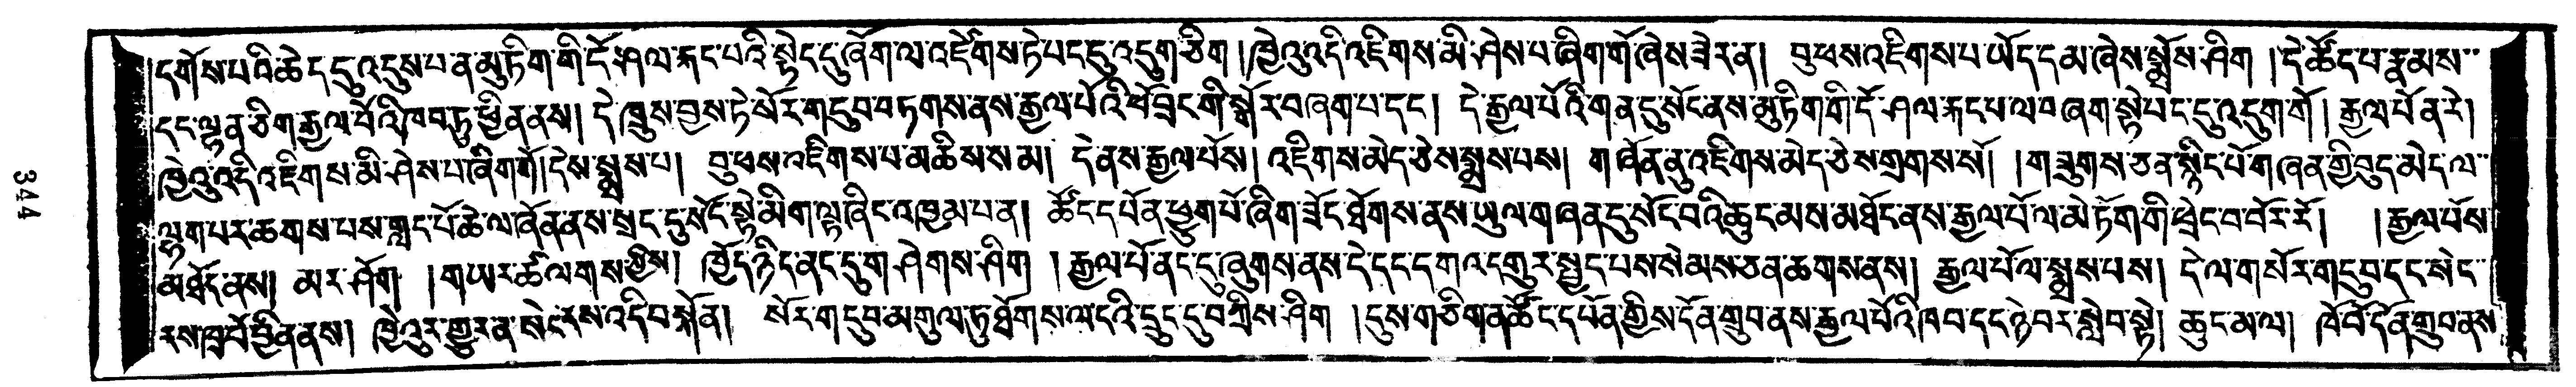དགོས་པའི་ཆེད་དུ་འདུས་པ་ན་མུ་ཏིག་གི་ངོ་ཤལ་རྐང་བའི་སྟེང་དུ་ཞོག་ལ་འཛེགས་ཏེ་པང་དུ་འདུག་ཅིག །ཁྱེའུ་འདི་འཇིགས་མི་ཤེས་པ་ཞིག་གོ་ཞེས་ཟེར་ན། བུ་ཕས་འཇིགས་པ་ཡོད་དམ་ཞེས་སྨྲོས་ཤིག །དེ་ཚོད་པ་རྣམས་
དང་ལྷན་ཅིག་རྒྱལ་པོའི་ཁབ་ཏུ་ཕྱིན་ནས། དེ་ཁྲུས་བྱས་ཏེ་སོར་གདུབ་བཏགས་ནས་རྒྱལ་པོའི་ཕོ་བྲང་གི་སྒོར་བཞག་པ་དང་། དེ་རྒྱལ་པོའི་གན་དུ་སོང་ནས་མུ་ཏིག་གི་དོ་ཤལ་རྐང་པ་ལ་བཞག་སྟེ་པང་དུ་འདུག་གོ། རྒྱལ་པོན་རེ།
ཁྱེའུ་འདི་འཇིགས་མི་ཤེས་པ་ཞིག་གོ། དེས་སྨྲས་པ། བུ་ཕས་འཇིགས་པ་མཆིས་སམ། དེ་ནས་རྒྱལ་པོས། འཇིགས་མེད་ཅེས་སྨྲས་པས། གཞོན་ནུ་འཇིགས་མེད་ཅེས་གྲགས་སོ། །གཟུགས་ཅན་སྙིང་པོ་གཞན་གྱི་བུད་མེད་ལ་
ལྷག་པར་ཆགས་པས་གླང་པོ་ཆེ་ལ་ཞོན་ནས་སྲང་དུ་སོང་སྟེ་མིག་ལྟ་ཞིང་འཁྱམ་པ་ན། ཚོང་དཔོན་ཕྱུག་པོ་ཞིག་ཟོང་ཐོགས་ནས་ཡུལ་གཞན་དུ་སོང་བའི་ཆུང་མས་མཐོང་ནས་རྒྱལ་པོ་ལ་མེ་ཏོག་གི་ཕྲེང་བ་བོར་རོ། །རྒྱལ་པོས་
མཐོང་ནས། མར་ཤོག །གཡར་ཚ་ལགས་ཀྱིས། ཁྱོད་ཉིད་ནང་དུ་གཤེགས་ཤིག །རྒྱལ་པོ་ནང་དུ་ཞུགས་ནས་དེ་དང་དགའ་དགུར་སྤྱད་པས་སེམས་ཅན་ཆགས་ནས། རྒྱལ་པོ་ལ་སྨྲས་པས། དེ་ལ་གསོར་གདུབ་དང་སེང་
རས་ཁྲ་བོ་བྱིན་ནས། ཁྱེའུར་གྱུར་ན་སེང་རས་འདི་བསྐོན། སོར་གདུབ་མགུལ་ཏུ་ཐོགས་ལ་ངའི་དྲུང་དུ་བཀྲིས་ཤིག །དུས་གཅིག་ན་ཚོང་དཔོན་གྱིས་དོན་གྲུབ་ནས་རྒྱལ་པོའི་ཁབ་དང་ཉེ་བར་སླེབ་སྟེ། ཆུང་མ་ལ། ཁོ་བོ་དོན་གྲུབ་ནས་